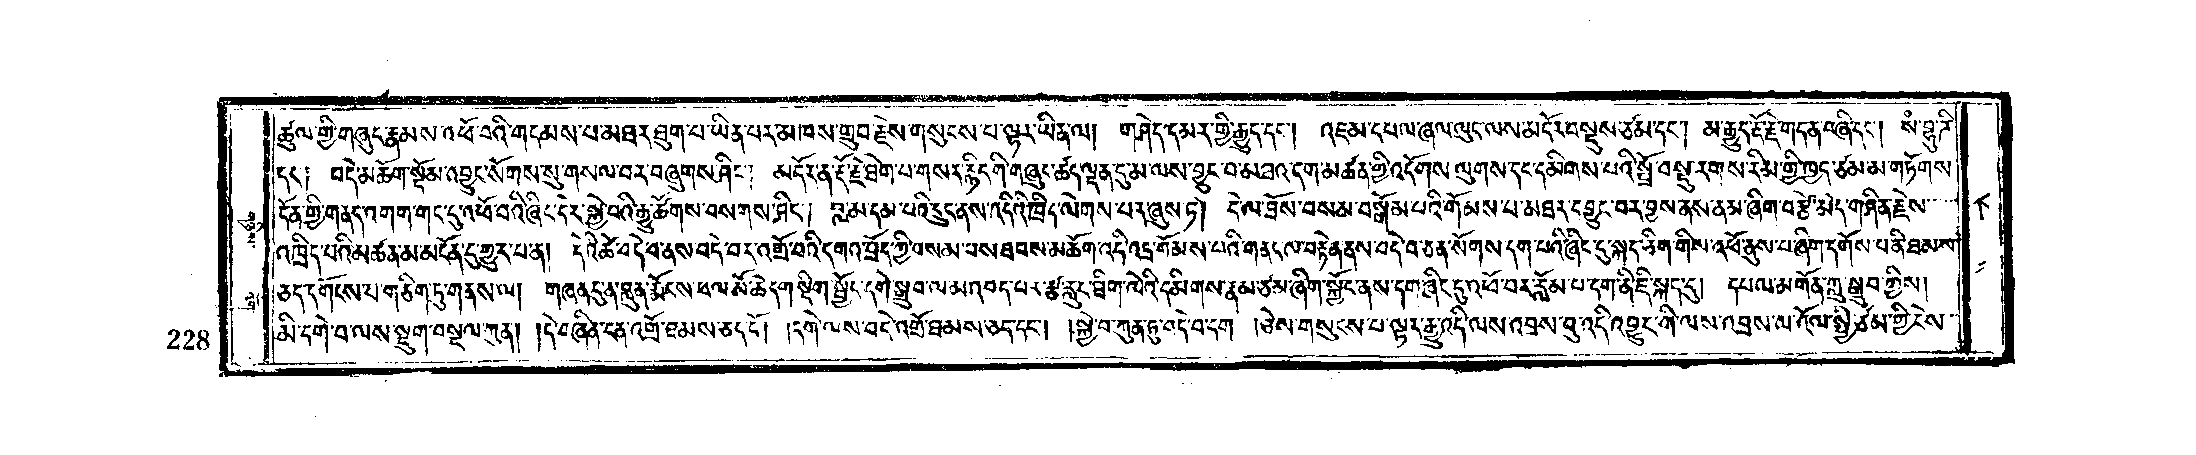ཚུལ་གྱི་གཞུང་རྣམས་འཕོ་བའི་གདམས་པ་མཐར་ཐུག་པ་ཡིན་པར་མཁས་གྲུབ་རྗེས་གསུངས་པ་ལྟར་ཡིན་ལ། གཤེད་དམར་གྱི་རྒྱུད་དང་། འཇམ་དཔལ་ཞལ་ལུང་ལས་མདོར་བསྡུས་ཙམ་དང་། མ་རྒྱུད་རྡོ་རྗེ་གདན་བཞི་དང་། སཾ་བྷུ་ཌི་
དང་། བདེ་མཆོག་སྡོམ་འབྱུང་སོགས་སུ་གསལ་བར་བཞུགས་ཤིང་། མདོར་ན་རྡོ་རྗེ་ཐེག་པ་གསར་རྙིང་གི་གཞུང་ཚད་ལྡན་དུ་མ་ལས་བྱུང་བ་མཐའ་དག་མཚན་གྱི་འདོགས་ལུགས་དང་དམིགས་པའི་སྤྲོ་བསྡུ་རགས་རིམ་གྱི་ཁྱད་ཙམ་མ་གཏོགས་
དོན་གྱི་གནད་འགག་གང་དུ་འཕོ་བའི་ཞིང་དེར་སྐྱེ་བའི་རྒྱུ་ཚོགས་བསགས་ཤིང་། བླ་མ་དམ་པའི་དྲུང་ནས་འདིའི་ཁྲིད་ལེགས་པར་ཞུས་ཏེ། དེ་ལ་ཐོས་བསམ་བསྒོམ་པའི་གོམས་པ་མཐར་དབྱུང་བར་བྱས་ནས་ནམ་ཞིག་བརྩེ་མེད་གཤིན་རྗེས་
འཁྲིད་པའི་མཚན་མ་མངོན་དུ་གྱུར་པ་ན། དེའི་ཚེ་བདེ་བ་ནས་བདེ་བར་འགྲོ་བའི་དགའ་བྲོད་ཀྱི་བསམ་པས་ཐབས་མཆོག་འདི་འདྲ་གོམས་པའི་གནང་ལ་བརྟེན་ནས་བདེ་བ་ཅན་སོགས་དག་པའི་ཞིང་དུ་སྐད་ཅིག་གིས་འཕོ་ནུས་པ་ཞིག་དགོས་པ་ནི་ཐམས་
ཅད་དགོངས་པ་གཅིག་ཏུ་གནས་ལ། གཞན་དུ་ན་བླུན་རྨོངས་ཕལ་མོ་ཆེ་དག་སྡིག་སྦྱོང་དགེ་སྒྲུབ་ལ་མ་འབད་པར་རྩ་རླུང་ཐིག་ལེའི་དམིགས་རྣམ་ཙམ་ཞིག་སྐྱོང་ནས་དག་ཞིང་དུ་འཕོ་བར་རློམ་པ་དག་ནི་ཇི་སྐད་དུ། དཔལ་མགོན་ཀླུ་སྒྲུབ་གྱིས།
མི་དགེ་བ་ལས་སྡུག་བསྔལ་ཀུན། །དེ་བཞིན་ངན་འགྲོ་ཐམས་ཅད་ངོ། །དགེ་ལས་བདེ་འགྲོ་ཐམས་ཅད་དང་། །སྐྱེ་བ་ཀུན་ཏུ་བདེ་བ་དག །ཅེས་གསུངས་པ་ལྟར་རྒྱུ་འདི་ལས་འབྲས་བུ་འདི་འབྱུང་གི་ལས་འབྲས་ལ་འོལ་སྤྱི་ཙམ་གྱི་ངེས་